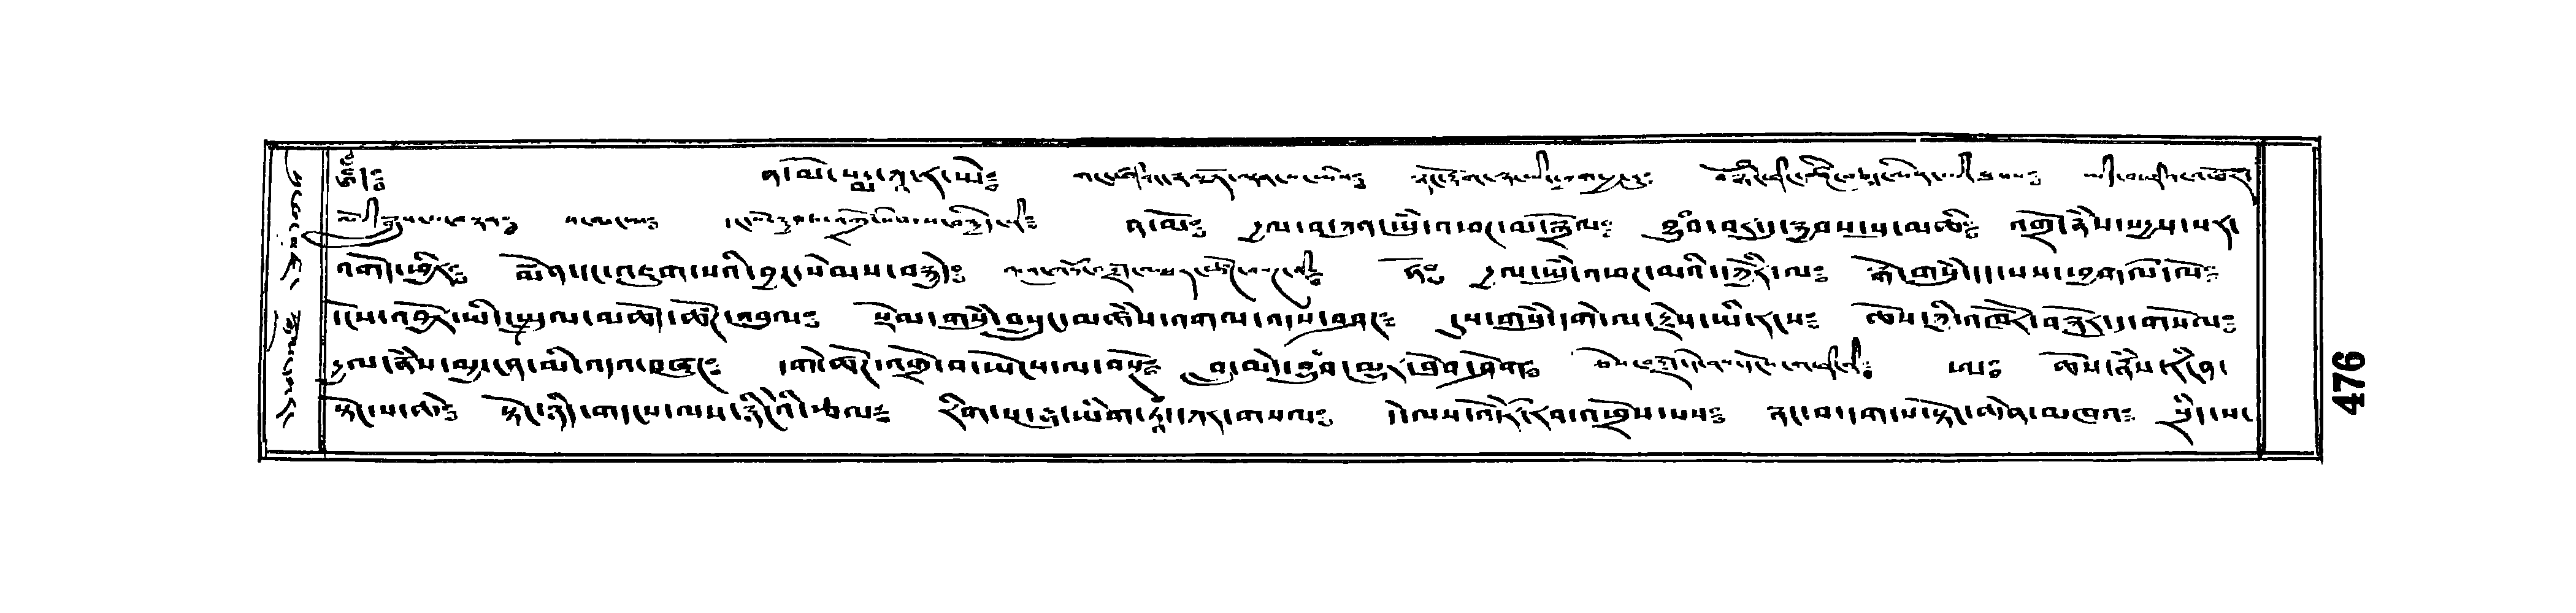ན་མོ་པདྨ་ཀཱ་ར་ཡེ༔ གང་ཞིག་རྣལ་འབྱོར་ལྡན་པ་ཡིས༔ སྣང་རྟོག་ལྷ་ཡི་ཕྱག་རྒྱ་རུ༔ བསྒོམ་ཞིང་ཚེ་བཅུད་ལེན་པའི་ཐབས༔ ཡིད་བཞིན་འཁོར་
ལོའི་སྒྲུབ་པ་བསྟན༔ ས་མ་ཡ༔ དང་པོ་སྐྱབས་འགྲོ་སེམས་བསྐྱེད་ནི༔ ན་མོ༔ རྒྱལ་བ་ཀུན་ཡུམ་འཕགས་མ་སྒྲོལ༔ བྱང་ཆུབ་བར་དུ་སྐྱབས་སུ་མཆི༔ འགྲོ་རྣམས་སངས་རྒྱས་སར་
འགོད་ཕྱིར༔ སྨོན་དང་འཇུག་པའི་བྱང་སེམས་བསྐྱེད༔ ལན་གསུམ་བརྗོད་མཐར་ཚོགས་བསགས་ནི༔ ཧོཿ རྒྱལ་ཡུམ་འཕགས་མའི་དཀྱིལ་འཁོར་ལ༔ སྒོ་གསུམ་དད་པས་ཕྱག་འཚལ་ལོ༔ 
དངོས་འབྱོར་ཡིད་སྤྲུལ་མཆོད་ཚོགས་འབུལ༔ སྡོམ་གསུམ་བསྲུང་མཚམས་འགལ་འདས་བཤགས༔ དུས་གསུམ་དགེ་ལ་རྗེས་ཡི་རངས༔ ཆོས་ཀྱི་འཁོར་ལོ་བསྐོར་དུ་གསོལ༔ 
རྒྱལ་རྣམས་མྱ་ངན་མི་འདའ་བཞུགས༔ དགེ་ཚོགས་འགྲོ་བ་ཡོངས་ལ་བསྔོ༔ བླ་མེད་བྱང་ཆུབ་མྱུར་ཐོབ་ཤོག༔ ཅེས་བརྗོད་དེ་ནས་དངོས་གཞི་ནི༔ ཨཱཿ ཆོས་རྣམས་རང་བཞིན་
སྟོང་པ་ཆེཿ སྟོང་ཉིད་གདངས་ལས་སྙིང་རྗེའི་རྩལ༔ རིག་པ་རྒྱུ་ཡིག་ཏཱཾ་དཀར་གསལ༔ དེ་ལས་འོད་ཟེར་རབ་འཕྲོས་པས༔ སྣང་བ་དག་པ་སྟོང་ཆེན་མཁའ༔ སྲིད་པ་